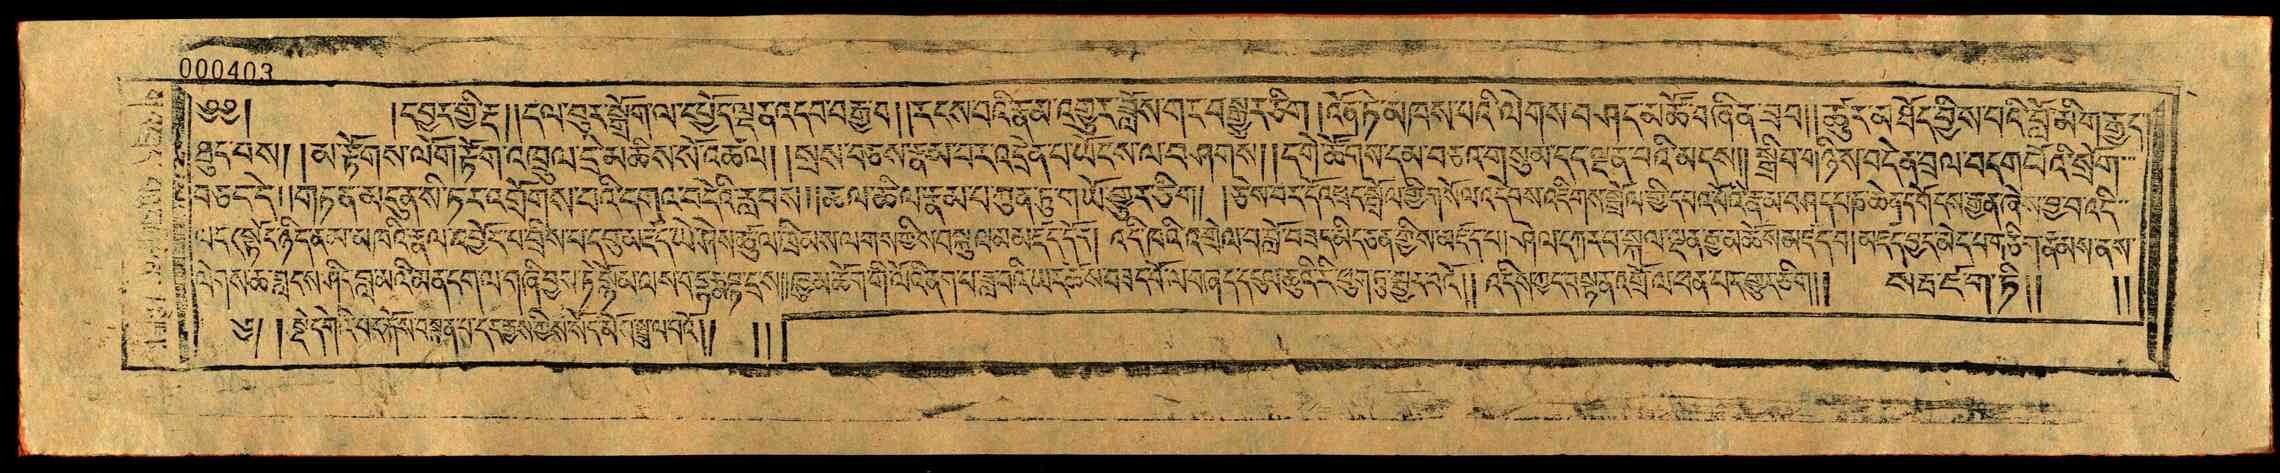༄༅། །དབྱར་གྱི་རྡ། །དལ་བུར་སྒྲོག་ལ་དཔྱོད་ལྡན་འདབ་བརྒྱ་པ། །རངས་པའི་རྣམ་འགྱུར་ཟློས་གར་ང་སྒྱུར་ཅིག །འོན་ཏེ་མཁས་པའི་ལེགས་བཤད་མཚོ་བཞིན་ཟབ། །ཚུར་མཐོང་བྱིས་པའི་བློ་མིག་རྒྱང་
ཐུང་པས། །མ་རྟོགས་ལོག་རྟོག་འཁྲུལ་དྲི་མཆིས་སོ་འཚལ། །སྲས་བཅས་རྣམ་པར་འདྲེན་པ་ཡོངས་ལ་བཤགས། །དགེ་ཚོགས་དམ་བཅའ་གསུམ་དང་ལྡན་པའི་མདས། །སྒྲིབ་གཉིས་བདེན་བྲལ་བདག་པོའི་སྲོག་
བཅད་དེ། །གཏན་མདུན་སི་ཏར་འགྲོགས་པའི་དགའ་བདེའི་རླབས། །ཆལ་ཆིལ་རྣམ་པ་ཀུན་ཏུ་གཡོ་གྱུར་ཅིག །ཅེས་བར་དོ་འཕྲང་སྒྲོལ་གྱི་གསོལ་འདེབས་འཇིགས་སྒྲོལ་གྱི་དཔའ་བོའི་རྣམ་བཤད་པཎ་ཆེན་དགོངས་རྒྱན་ཞེས་བྱ་བ་འདི་
ཡང་། སྟོང་ཉིད་ནམ་མཁའི་རྣལ་འབྱོར་བ་བྲིས་པ་དབུ་མཛད་ཡེ་ཤེས་ཚུལ་ཁྲིམས་ལགས་ཀྱིས་བསྐུལ་མ་མཛད་དོར། འདི་ཁའི་འགྲེལ་པ་བློ་བཟང་མིང་ཅན་གྱིས་མཛད་པ། ཤེལ་དཀར་བ་སྐལ་ལྡན་རྒྱ་མཚོས་མཛད་པ། མཛད་བྱང་མེད་པ་གཅིག་རྣམས་ནས་
ལེགས་ཆ་བླངས་ཤིང་བླ་མའི་མན་ངག་ལ་གཞི་བྱས་ཏེ་སྙོམ་ལས་པ་དྷ་རྨ་བྷ་དྲས། །ཁྱུ་མཆོག་གི་ལོའི་ནག་པ་ཟླ་བའི་ཡར་ཚེས་བཟང་པོ་ལ་བཞད་དངུལ་ཆུའི་རི་ཕུག་ཏུ་སྦྱར་བའོ། །འདིས་ཀྱང་བསྟན་འགྲོ་ལ་ཕན་པར་གྱུར་ཅིག །སརྦ་ཛ་ག་ཏཾ།། །།
༄༅། །སྡེ་དགེའི་པར་རྐོས་བསྟན་པ་དར་རྒྱས་ཀྱིས་སོར་མེས་སྤྲུལ་པའོ།། །།